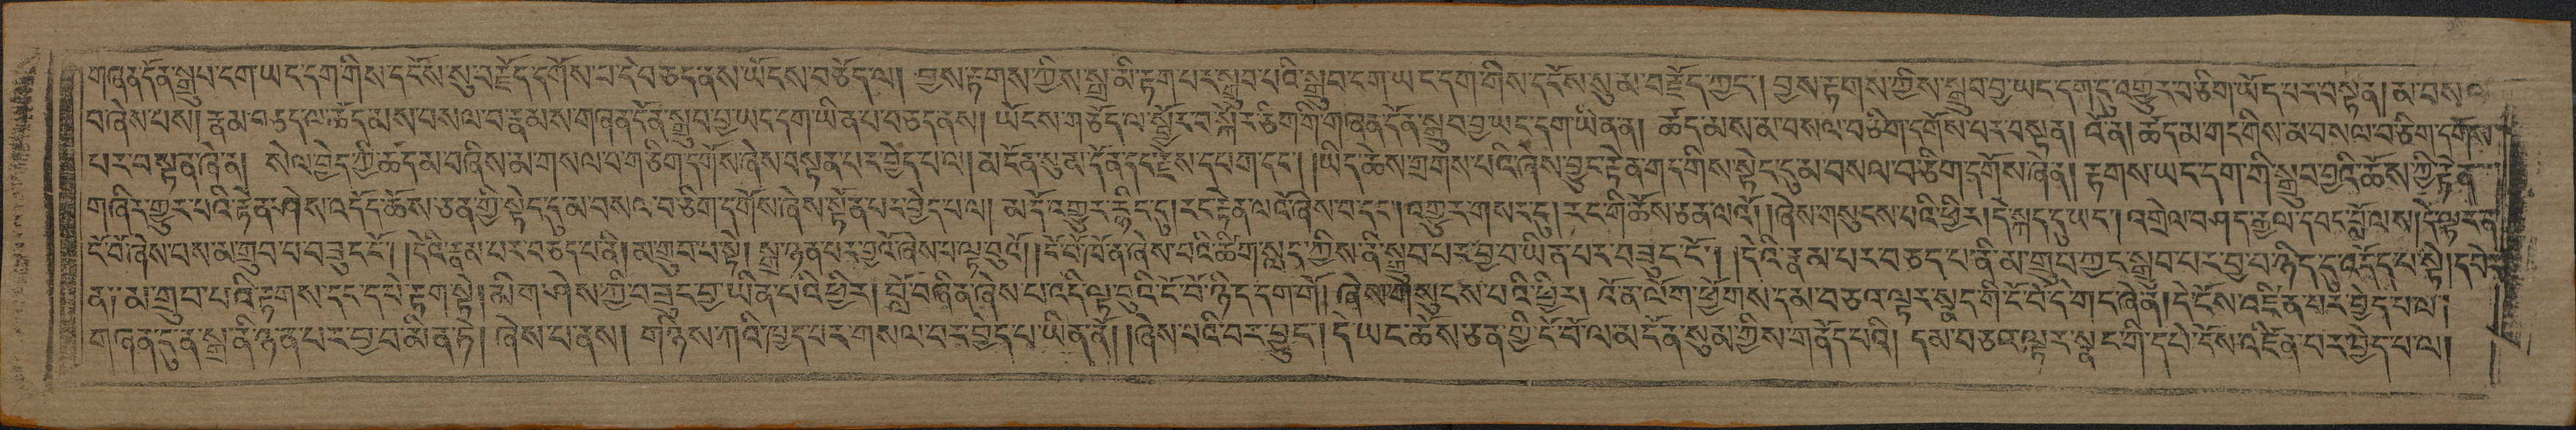གཞན་དོན་སྒྲུབ་ངག་ཡང་དག་གིས་དངོས་སུ་བརྗོད་དགོས་པ་ངེ་བཅད་ནས་ཡོངས་བཅོད་ལ། བྱས་རྟགས་ཀྱིས་སྒྲ་མི་རྟག་པར་སྒྲུབ་པའི་སྒྲུབ་ངག་ཡང་དག་གིས་དངོས་སུ་མ་བརྗོད་ཀྱང་། བྱས་རྟགས་ཀྱིས་སྒྲུབ་བྱ་ཡང་དག་དུ་འགྱུར་བ་ཅིག་ཡོད་པར་བསྟན། མ་བསལ་
བ་ཞེས་པས། རྣམ་བཅད་ལ་ཚད་མས་བསལ་བ་རྣམས་གཞན་དོན་སྒྲུབ་བྱ་ཡང་དག་ཡིན་པ་བཅད་ནས། ཡོངས་གཅོད་ལ་སྦྱོར་བ་སྐོར་ཅིག་གི་གཞན་དོན་སྒྲུབ་བྱ་ཡང་དག་ཡིན་ན། ཚད་མས་མ་བསལ་བ་ཅིག་དགོས་པར་བསྟན། འོ་ན། ཚད་མ་གང་གིས་མ་བསལ་བ་ཅིག་དགོས་
པར་བསྟན་ཞེ་ན། སེལ་བྱེད་ཀྱི་ཚད་མ་བཞིས་མ་གསལ་བ་གཅིག་དགོས་ཞེས་བསྟན་པར་བྱེད་པ་ལ། མངོན་སུམ་དོན་དང་རྗེས་དཔག་དང་། །ཡིད་ཆེས་གྲགས་པའི་ཞེས་བྱུང་རྟེན་གང་གིས་སྟེང་དུ་མ་བསལ་བ་ཅིག་དགོས་ཞེ་ན། རྟགས་ཡང་དག་གི་སྒྲུབ་བྱའི་ཆོས་ཀྱི་རྟེན་
གཞིར་གྱུར་པའི་རྟེན་ཤེས་འདོད་ཆོས་ཅན་གྱི་སྟེང་དུ་མ་བསལ་བ་ཅིག་དགོས་ཞེས་སྟོན་པར་བྱེད་པ་ལ། མདོ་འགྱུར་རྙིང་དུ། རང་རྟེན་ལའོ་ཞེས་པ་དང་། འགྱུར་གསར་དུ། རང་གི་ཆོས་ཅན་ལའོ། །ཞེས་གསུངས་པའི་ཕྱིར། དེ་སྐད་དུ་ཡང་། འགྲེལ་བཤད་རྒྱལ་དབང་བློ་ལས། དེ་ལྟར་ན་
ངོ་བོ་ཞེས་པས་མ་གྲུབ་པ་བཟུང་ངོ། །དེའི་རྣམ་པར་བཅད་པ་ནི། མ་གྲུབ་པ་སྟེ། སྒྲ་ཉན་པར་བྱའོ་ཞེས་པ་ལྟ་བུའོ། །ངོ་བོ་ཁོ་ན་ཞེས་པའི་ཚིག་སླད་ཀྱིས་ནི་སྒྲུབ་པར་བྱ་བ་ཡིན་པར་བཟུང་ངོ། །དེའི་རྣམ་པར་བཅད་པ་ནི་མ་གྲུབ་ཀྱང་སྒྲུབ་པར་བྱ་བ་ཉིད་དུ་འདོད་པ་སྟེ། དཔེར་
ན༑ མ་གྲུབ་པའི་རྟགས་དང་དཔེ་རྟག་སྟེ། མིག་ཤེས་ཀྱི་བཟུང་བྱ་ཡིན་པའི་ཕྱིར། བློ་བཞིན་ཞེས་པ་འདི་ལྟ་བུའི་ངོ་བོ་ཉིད་དག་གོ །ཞེས་གསུངས་པའི་ཕྱིར། འོ་ན་ལོག་ཕྱོགས་དམ་བཅའ་ལྟར་སྣང་གི་ངོ་བོ་དེ་གང་ཞེ་ན། དེ་ངོས་འཛིན་པར་བྱེད་པ་ལ།
གཞན་དུ་ན་སྒྲ་ནི་ཉན་པར་བྱ་བ་མིན་ཏེ། ཞེས་པ་ནས། གཉིས་ཀའི་ཁྱད་པར་གསལ་བར་བྱེད་པ་ཡིན་ནོ། །ཞེས་པའི་བར་བྱུང་། དེ་ཡང་ཆོས་ཅན་གྱི་ངོ་བོ་ལ་མངོན་སུམ་གྱིས་གནོད་པའི། དམ་བཅའ་ལྟར་སྣང་གི་དཔེ་ངོས་འཛིན་པར་བྱེད་པ་ལ།